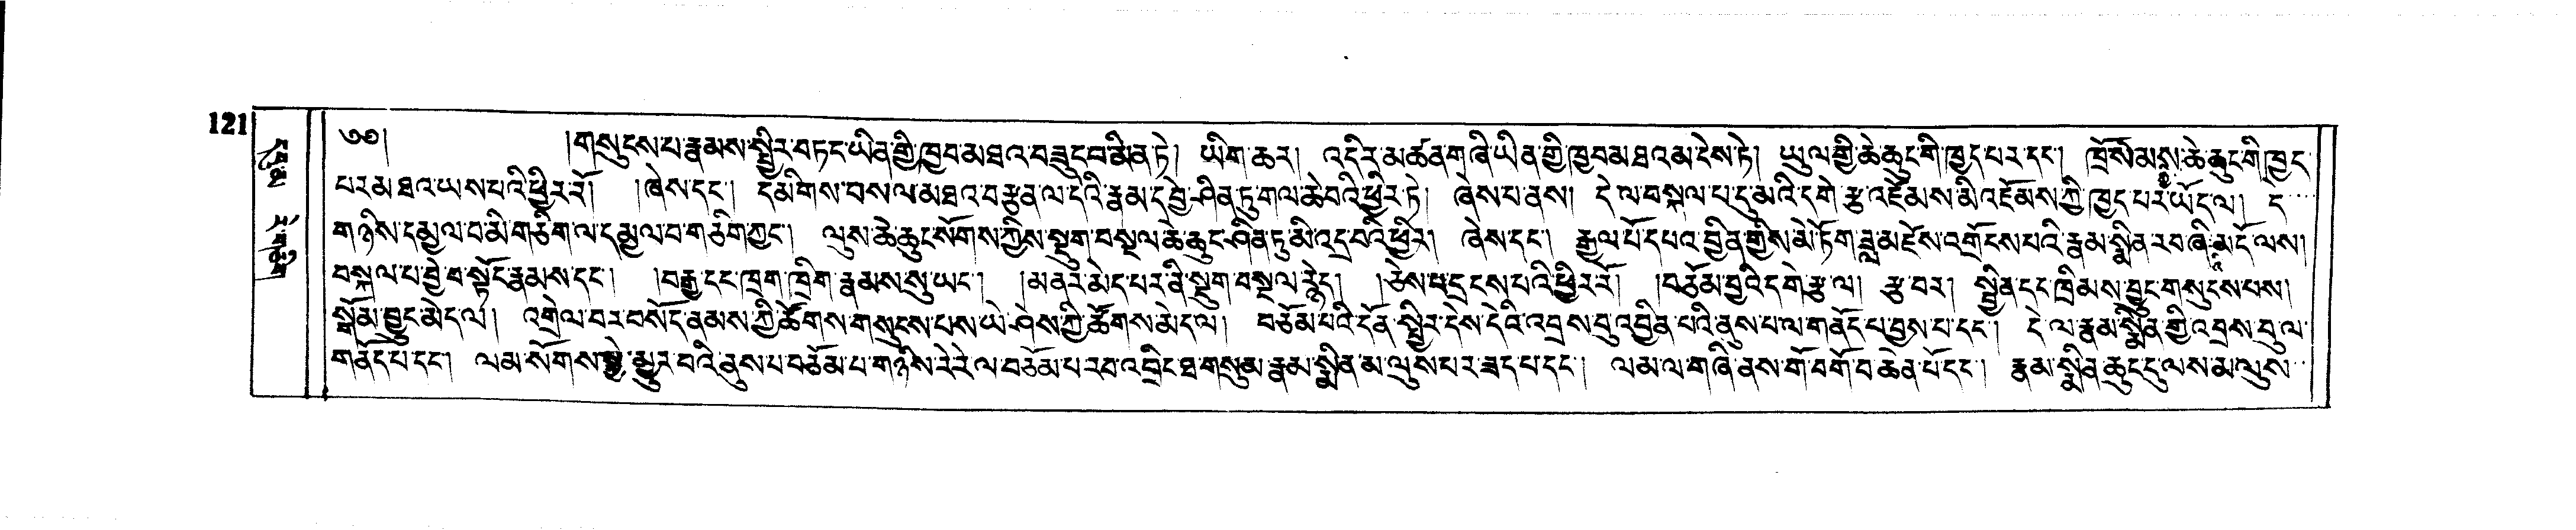༄༅། །གསུངས་པ་རྣམས་སྤྱིར་བཏང་ཡིན་གྱི་ཁྱབ་མཐའ་བཟུང་བ་མིན་ཏེ། ཡིག་ཆར། འདིར་མཚན་གཞི་ཡིན་གྱི་ཁྱབ་མཐའ་མ་ངེས་ཏེ། ཡུལ་གྱི་ཆེ་ཆུང་གི་ཁྱད་པར་དང་། ཁྲོ་སེམས་ཀྱི་ཆེ་ཆུང་གི་ཁྱད་
པར་མཐའ་ཡས་པའི་ཕྱིར་རོ། །ཞེས་དང་། དམིགས་བསལ་མཐའ་བརྩན་ལ་དེའི་རྣམ་དབྱེ་ཤིན་ཏུ་གལ་ཆེ་བའི་ཕྱིར་ཏེ། ཞེས་པ་ནས། དེ་ལ་བསྐལ་པ་དུ་མའི་དགེ་རྩ་འཇོམས་མི་འཇོམས་ཀྱི་ཁྱད་པར་ཡོད་ལ། དེ་
གཉིས་དམྱལ་བ་མི་གཅིག་ལ་དམྱལ་བ་གཅིག་ཀྱང་། ལུས་ཆེ་ཆུང་སོགས་ཀྱིས་སྡུག་བསྔལ་ཆེ་ཆུང་ཤིན་ཏུ་མི་འདྲ་བའི་ཕྱིར། ཞེས་དང་། རྒྱལ་པོ་དཔའ་བྱིན་གྱིས་མེ་ཏོག་ཟླ་མཛེས་འགྲོངས་པའི་རྣམ་སྨིན་རབ་ཞིའི་མདོ་ལས།
བསྐལ་པ་བྱེ་བ་སྟོང་རྣམས་དང་། །བརྒྱ་དང་ཁྲག་ཁྲིག་རྣམས་སུ་ཡང་། །མནར་མེད་པར་ནི་སྡུག་བསྔལ་རྙེད། །ཅེས་པ་དྲངས་པའི་ཕྱིར་རོ། །བཅོམ་བྱའི་དགེ་རྩ་ལ། རྩ་བར། སྦྱིན་དང་ཁྲིམས་བྱུང་གསུངས་པས།
སྒོམ་བྱུང་མེད་ལ། འགྲེལ་བར་བསོད་ནམས་ཀྱི་ཚོགས་གསུངས་པས་ཡེ་ཤེས་ཀྱི་ཚོགས་མེད་ལ། བཅོམ་པའི་དོན་སྤྱིར་དེས་དེའི་འབྲས་བུ་འབྱིན་པའི་ནུས་པ་ལ་གནོད་པ་བྱས་པ་དང་། དེ་ལ་རྣམ་སྨིན་གྱི་འབྲས་བུ་ལ་
གནོད་པ་དང་། ལམ་སོགས་སྐྱེ་མྱུར་བའི་ནུས་པ་བཅོམ་པ་གཉིས་རེ་རེ་ལ་བཅོམ་པ་རབ་འབྲིང་ཐ་གསུམ་རྣམ་སྨིན་མ་ལུས་པར་ཟད་པ་དང་། ལམ་ལ་གཞི་ནས་གོ་བགོ་བ་ཆེན་པོ་དང་། རྣམ་སྨིན་ཆུང་དུ་ལས་མ་ལུས་